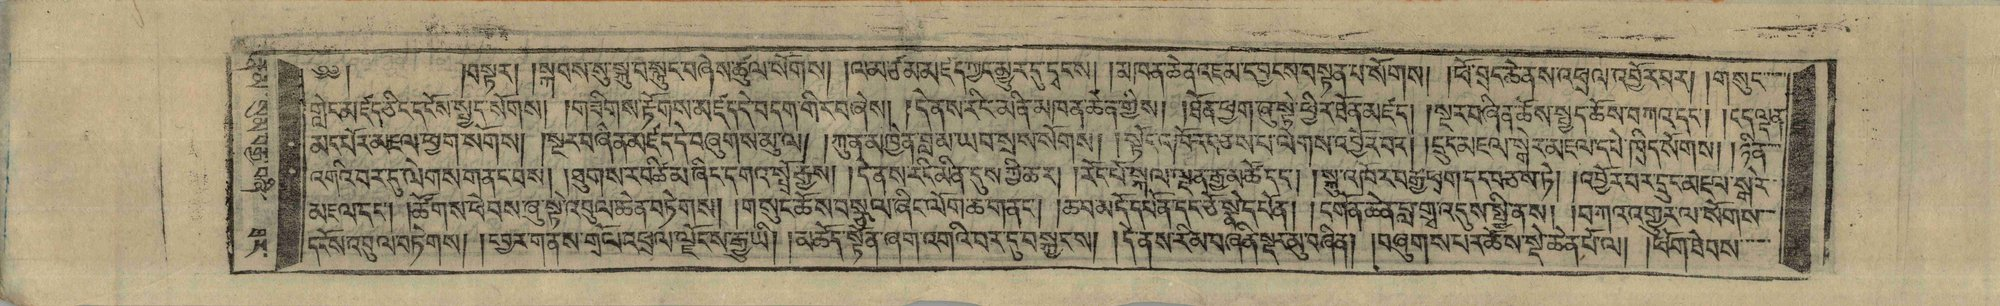༄༅། །བསྟར། །སྐབས་སུ་སྐུ་བསྙུང་བཞེས་ཚུལ་སོགས། །ལམ་ཙམ་མཛད་ཀྱང་མྱུར་དུ་དྭངས། །མཁན་ཆེན་འཇམ་དབྱངས་བསྟན་པ་སོགས། །ཕོ་བྲང་ཆེ་ནས་འཕྲལ་འབྱོར་བར། །གསུང་
གླེང་མཛད་ཅིང་དངོས་སྤྱད་སོགས། །གཟིགས་རྟོགས་མཛད་དེ་བདག་གིར་བཞེས། །དེ་ནས་རིང་མིན་མཁན་ཆེན་གྱིས། །ཐོན་ཕྱག་ཞུ་སྟེ་ཕྱིར་ཐོན་མཛད། །སྔར་བཞིན་ཆོས་སྤྱད་ཆོས་བཀའ་དང་། །ངད་ལྡན་
མང་པོར་མཇལ་ཕྱག་སོགས། །སྔར་བཞིན་མཛད་དེ་བཞུགས་མུ་ལ། །ཀུན་མཁྱེན་བླ་མ་ཡབ་སྲས་སོགས། །སྟོང་འཁོར་བཅས་པ་ལེགས་འབྱོར་བར། །དྲུང་མཇལ་སྒེར་མཇལ་དཔེ་ཁྲིད་སོགས། །ཉིན་
འགའི་བར་དུ་ལེགས་གནང་བས། །ཐུགས་རབ་ཚིམ་ཞིང་དགའ་སྤྲོ་རྒྱས། །དེ་ནས་རིང་མིན་དུས་ཀྱི་ཆར། །རོང་པོ་སྐལ་ལྡན་རྒྱ་མཚོ་དང་། །སྐུ་འཁོར་བརྒྱ་ཕྲག་དང་བཅས་ཏེ། །འབྱོར་བར་དྲུང་མཇལ་སྒེར་
མཇལ་དང་། །ཚོགས་ཕེབས་ཞུ་སྟེ་འབུལ་ཆེན་བཏེགས། །གསུང་ཆོས་བསྩལ་ཞིང་ལོག་ཆ་གནང་། །ཆབ་མདོ་དཔོན་དང་ཅོ་སྣེ་དཔོན། །དགོན་ཆེན་བླ་གྲྭ་འདུས་སྤྱི་ནས། །བཀའ་འགྱུར་ལ་སོགས་
དངོས་འབུལ་བཏེགས། །དབྱར་གནས་གྲོལ་འཕྲལ་ལྗོངས་རྒྱུ་ཡི། །མཆོད་སྟོན་ཞག་འགའི་བར་དུ་བསྐྱངས། །དེ་ནས་རིམ་བཞིན་སྡར་མུ་བཞིན། །བཞུགས་པར་ཆོས་སྡེ་ཆེན་པོ་ལ། །ཕོག་ཐེབས་